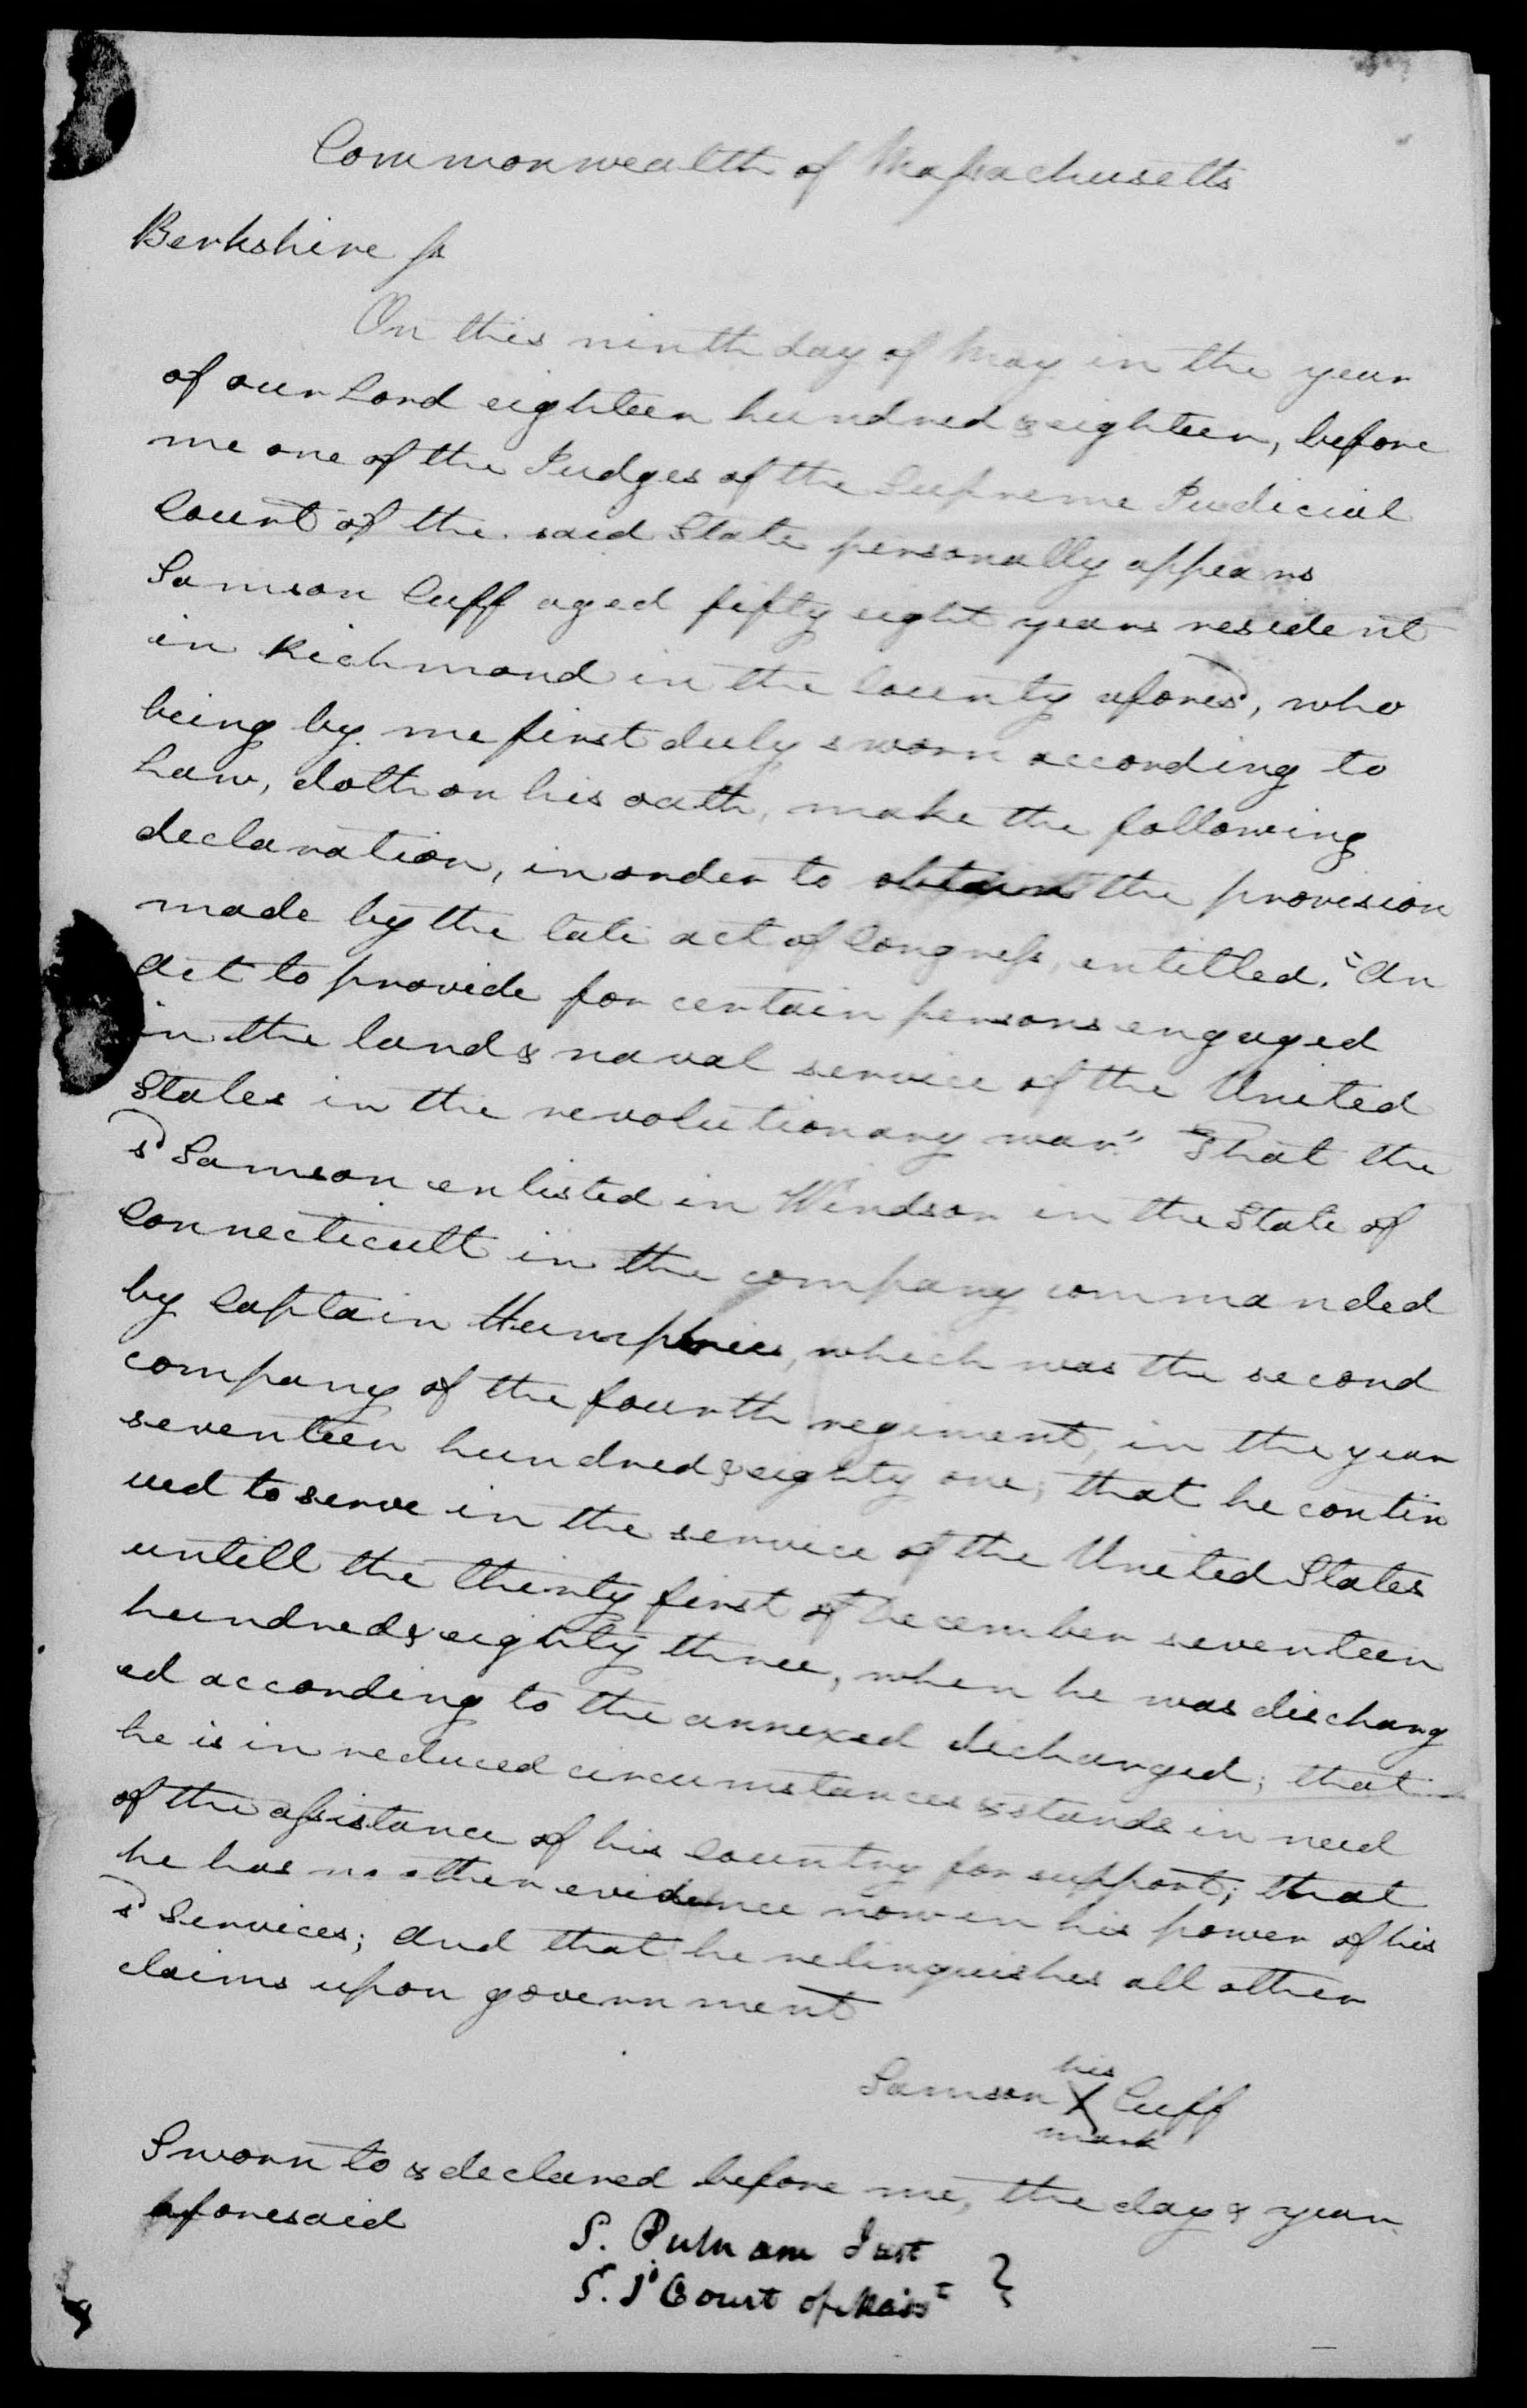Commonwealth of Massachusetts
Berkshire SS

On this ninth day of May in the year of our Lord eighteen hundred & eighteen, before me one of the judges of the Supreme Judicial Court of the said sate personally appears Samson Cuff aged fifty eight years resident in Richmond in the county aforesaid, who being by me first duly sworn according to law, doth on his oath make the following declaration, in order to obtain the provision made by the late act of Congress entitled "An act to provide for certain persons engaged in the land & naval service of the United States in the revolutionary war". That the Samson enlisted in Windsor in the State of Connecticutt in the company commanded by Captain Humphries, which was the second company of the fourth regiment, in the year seventeen hundred & eighty one, that he continued to serve in the service of the United States untill the thirty first of December seventeen hundred & eight three, when he was discharged according to the annexed discharged, that he is in reduced circumstances & stands in need of the assistance of his country for support, that he has no other evidence no on his power of his services, and that he relinquishes all other claims upon government.

Samson Cuff his mark X

Sworn to & declared before me, the day & year aforesaid
S. Putnam Just
SJ Court of Mass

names: Samson Cuff, Humphries, Samson Cuff, S Putnam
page: 3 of 11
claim: survivor's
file: S. 34,616, Samson Cuff, Conn.